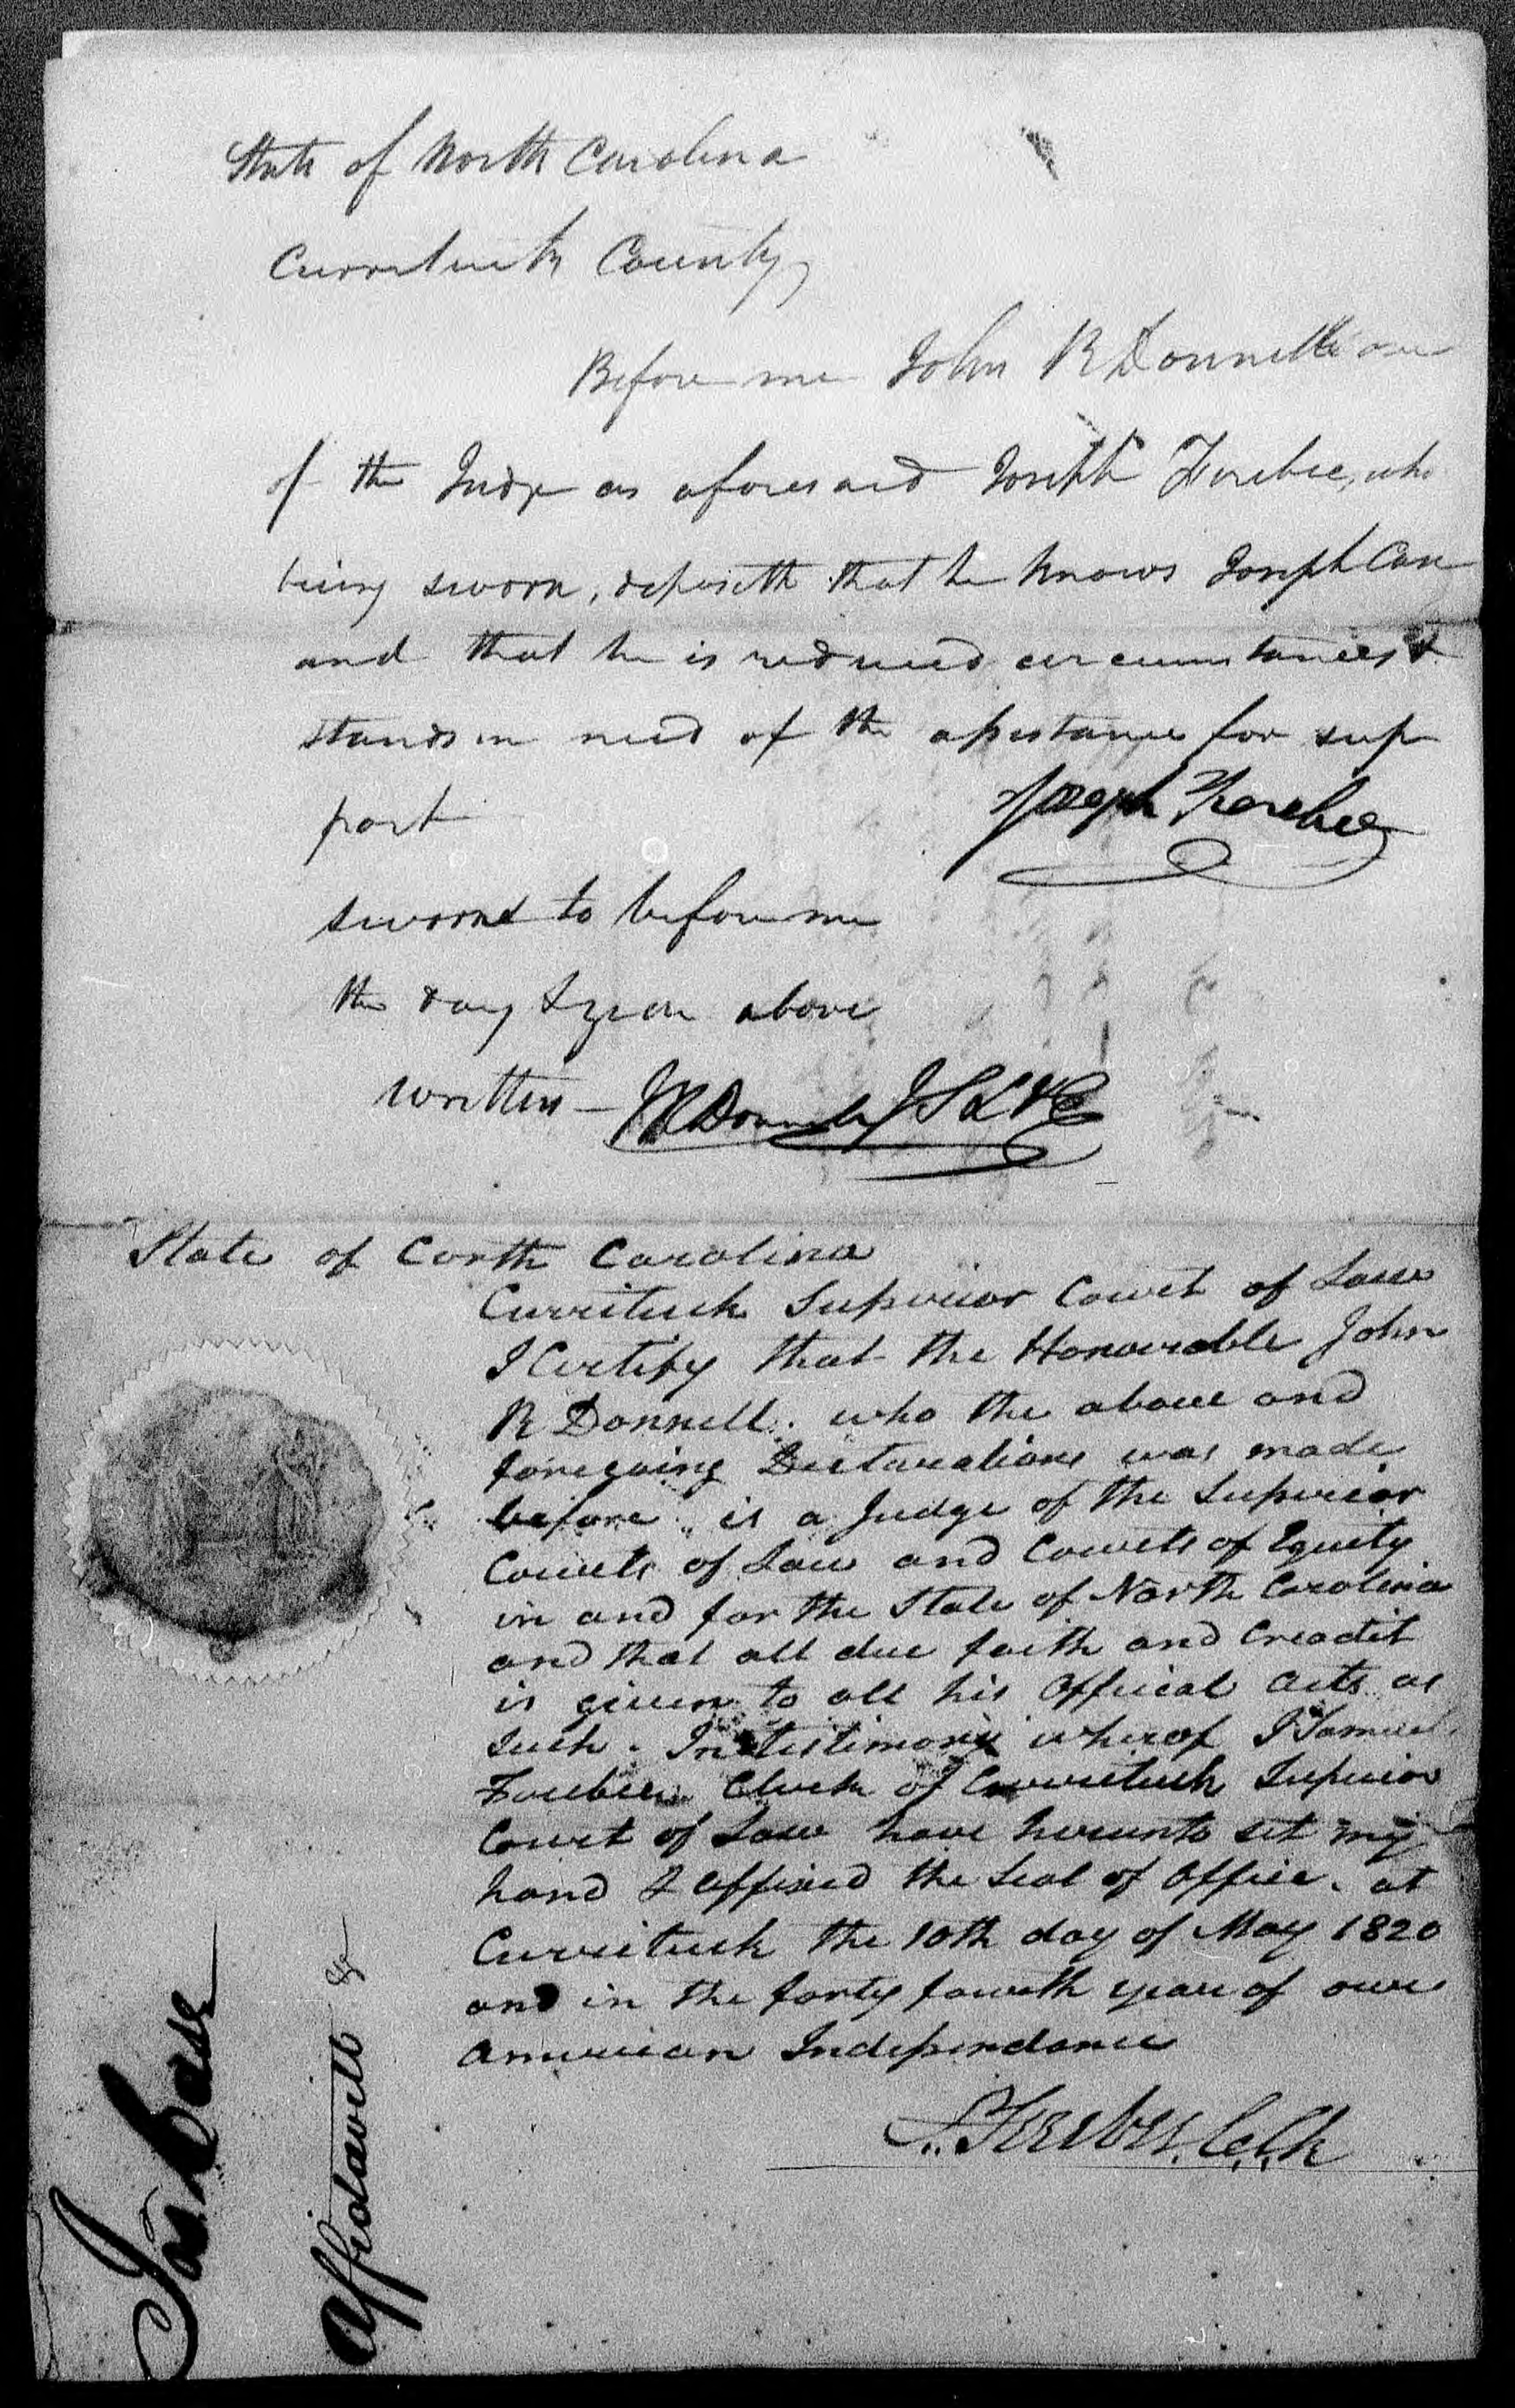[hard to read, may be transcription errors]

State of North Carolina
Cumbuck County,

Before me John R. Donnelle of the Judge as aforesaid Joseph Forebee, who being sworn, affirmed that he knows Joseph Cass and that he is not related our circumstances stated in our of the accuracy for our part.  Joseph Forebee.

Sworn to before me this day listed above
Written JR Donnell

State of North Carolina
Currituck Superior Court of Same, I certify that the Honorable John R. Dnnell, who the above and foregoing Declarations was made before, is a Judge of the Superior Court of Sate and County of Equity in and for the State of North Carolina, and that all due faith and credit is given to all his official acts as such.  In testimony which of Joseph Forebee Clerk of Corrutuck Superior Court of Law has herewith set my hand I affirmed the seal of office and Carrutuck the 10th day of May 1820, and in the forty forth year of our American Independence.

S. Sternabach

[seal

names: Joseph Ferebee, S Ferebee, Samuel Forebee, Jos Case, J R Donnell, Joseph Forebee, John R Donnell, John R Donnell, Joseph Case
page: 6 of 20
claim: survivor's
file: S. 41472, Joseph Case, N.C.